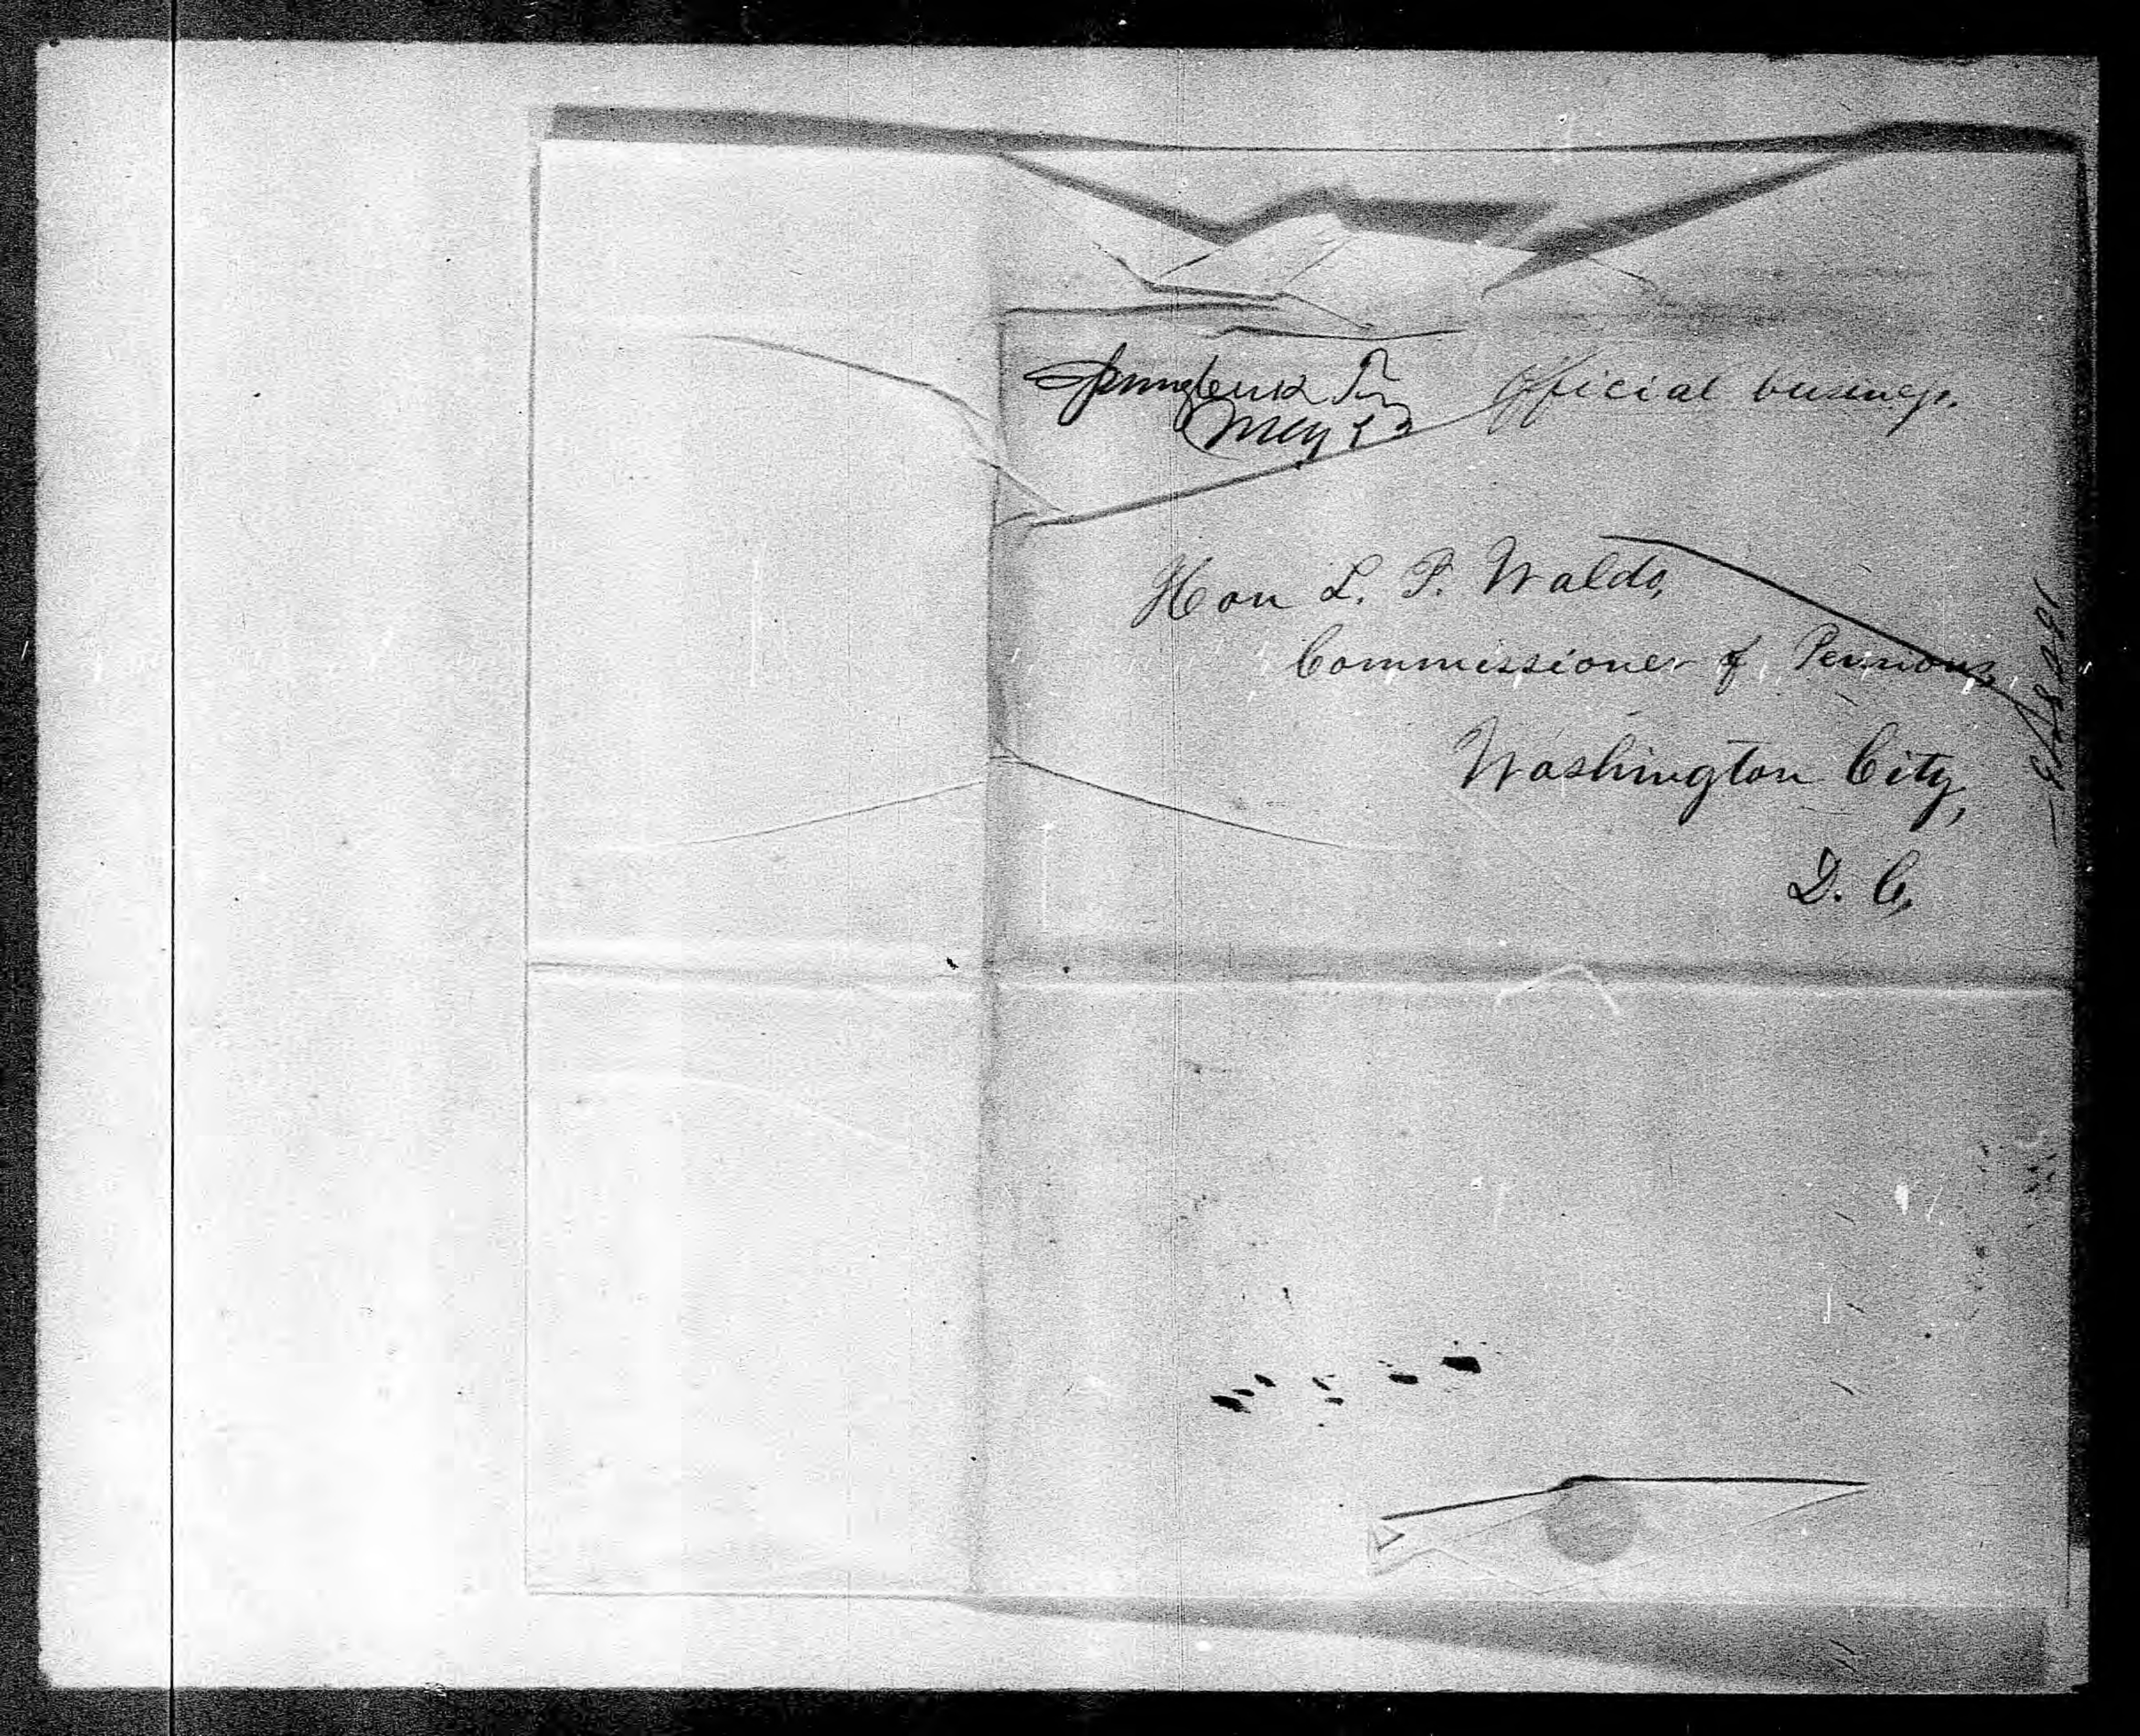Springfield Tenn
May [illegible]

Official Business


Hon L.P. Waldo,
Commissioner of Pensions
Washington City, 
D.C.

150873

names: L P Waldo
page: 76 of 91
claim: widow's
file: W 358, John Grider, N.C.